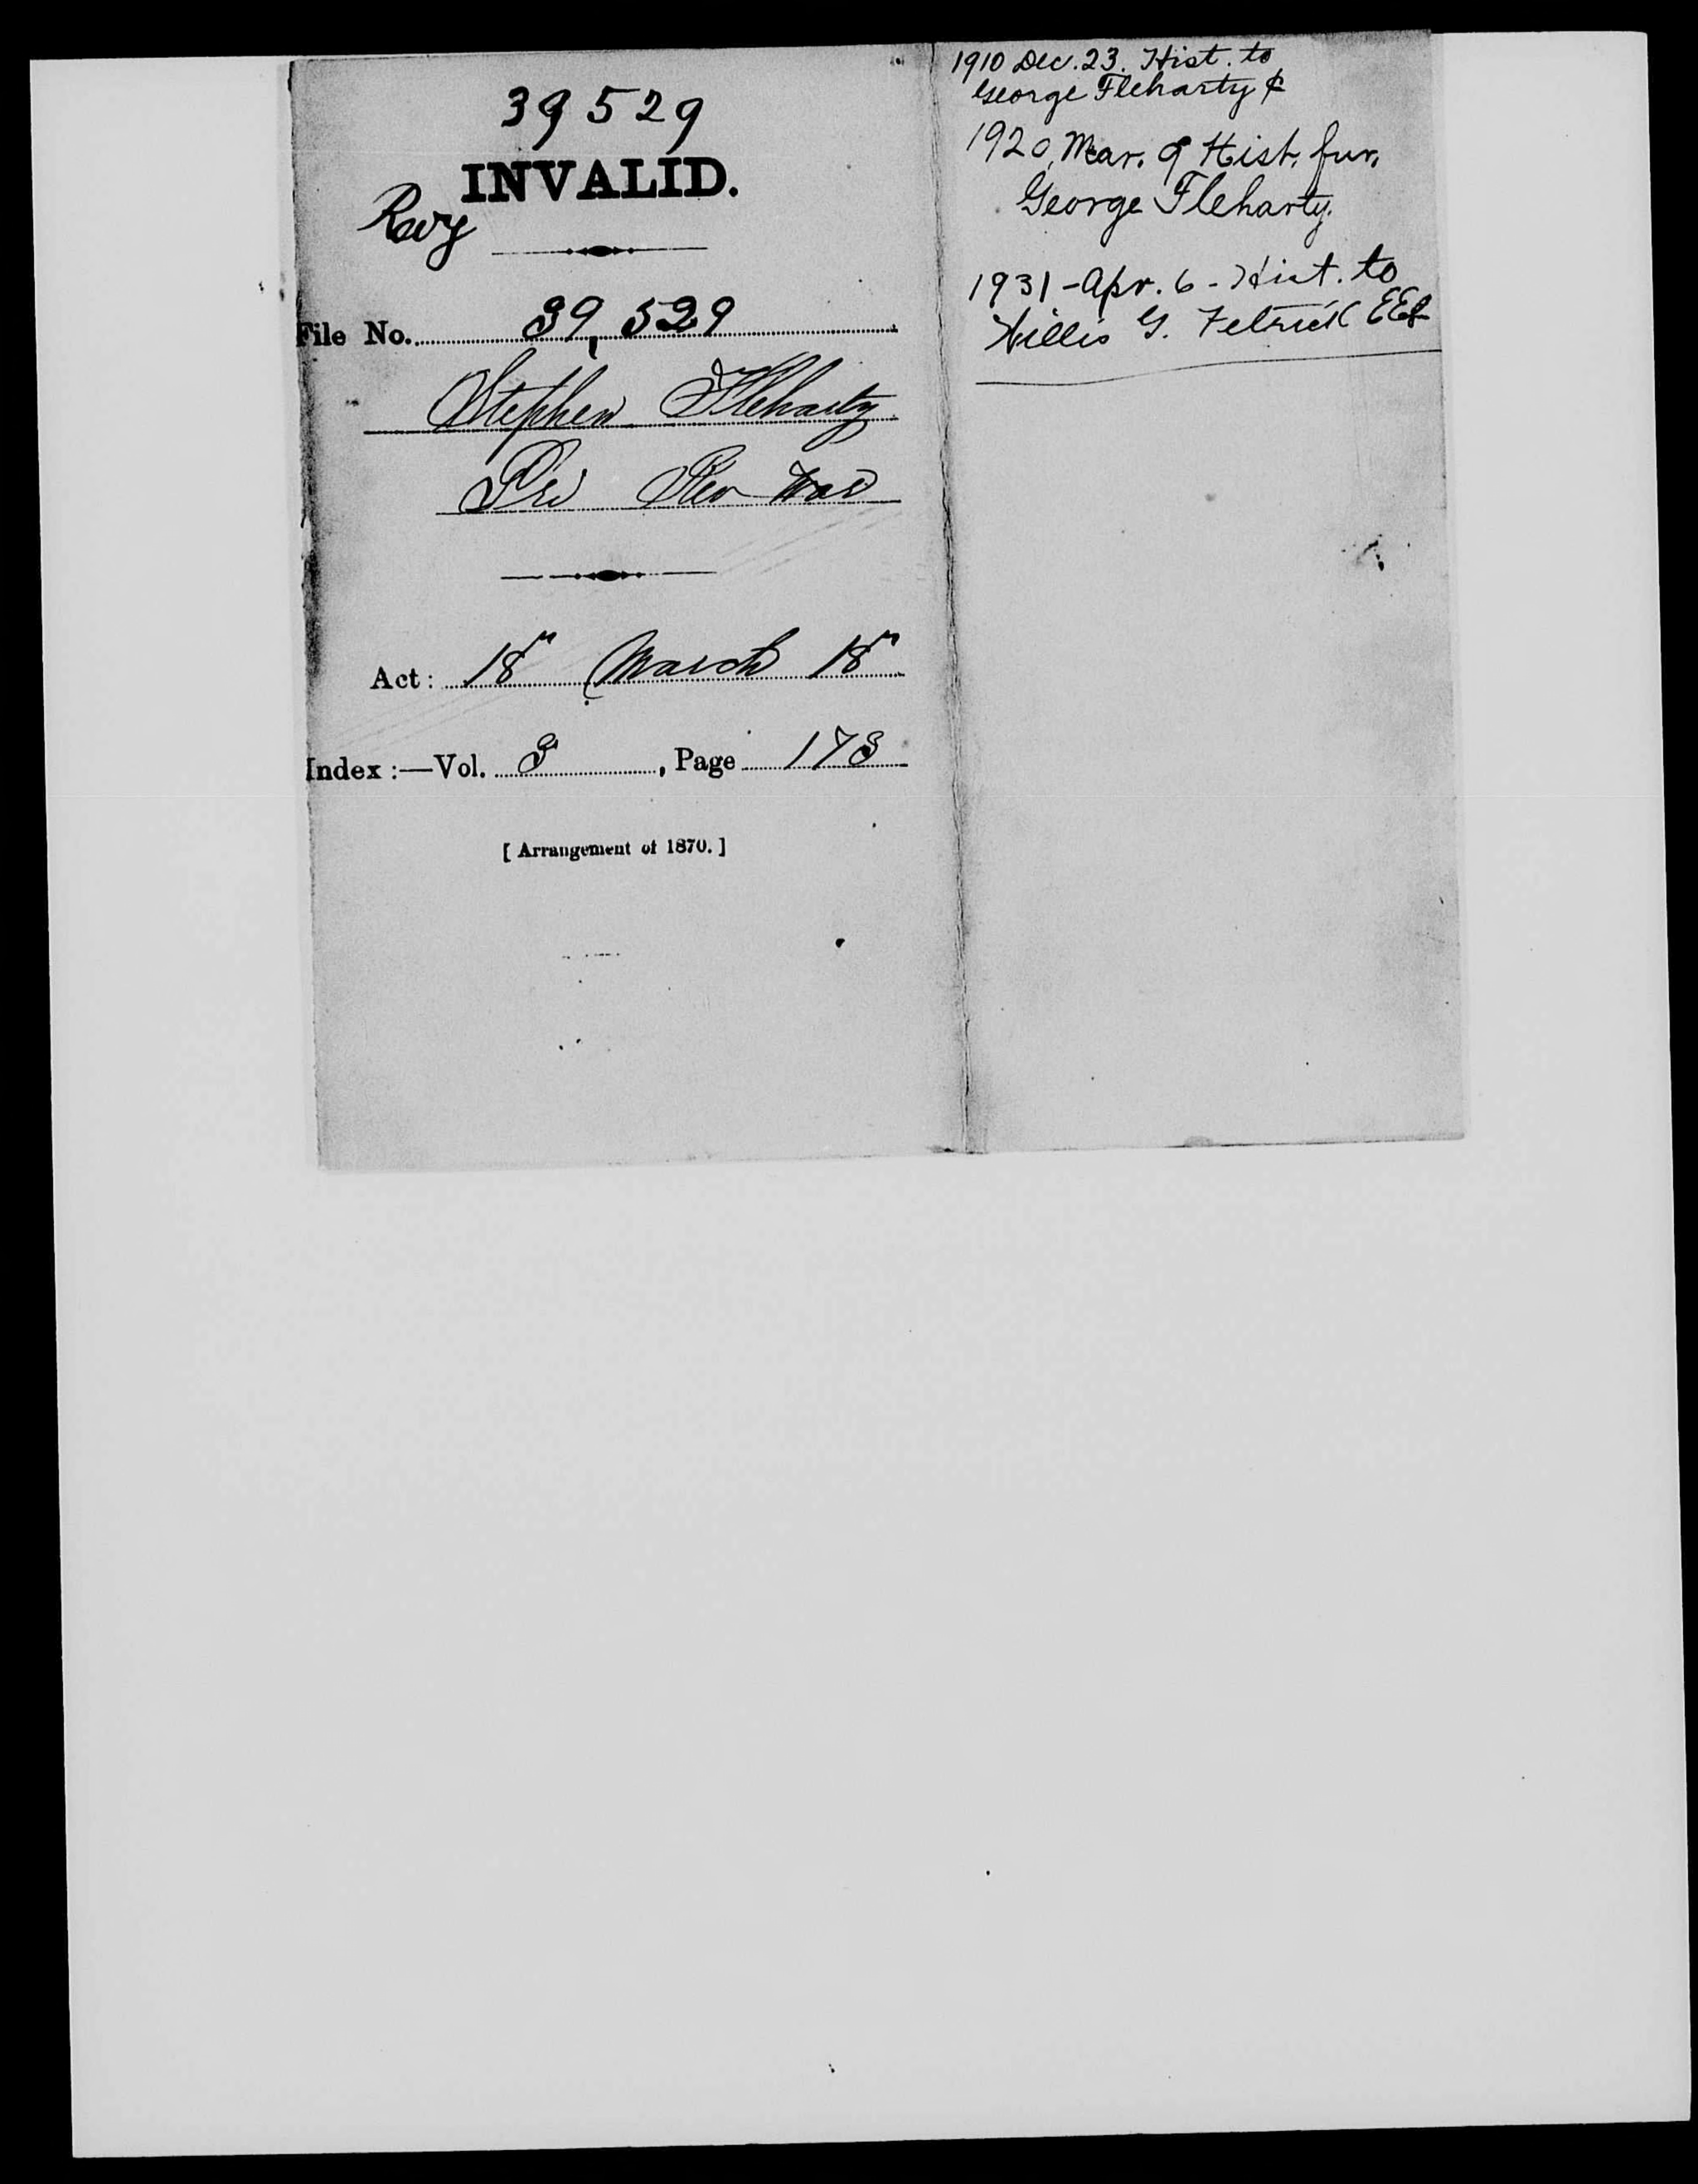39529 
INVALID 

Revy

File No. 39,529 
Stephen Fleeharty 
Prv Rev War 

Act: 18th March 18 
Index: Vol. 3, Page 173 

[Arrangement of 1870] 

1910 Dec 23 Hist. to George Fleharty 
1920 Mar of Hist. for George Fleharty 

1931Apr. 6 Hist. to Willis G. Fetrick [illegible]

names: Willis G Fetrick, Stephen Fleharty, George Fleharty, George Fleharty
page: 9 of 14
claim: survivor's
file: S. 39529, Stephen Fleeharty, Md.